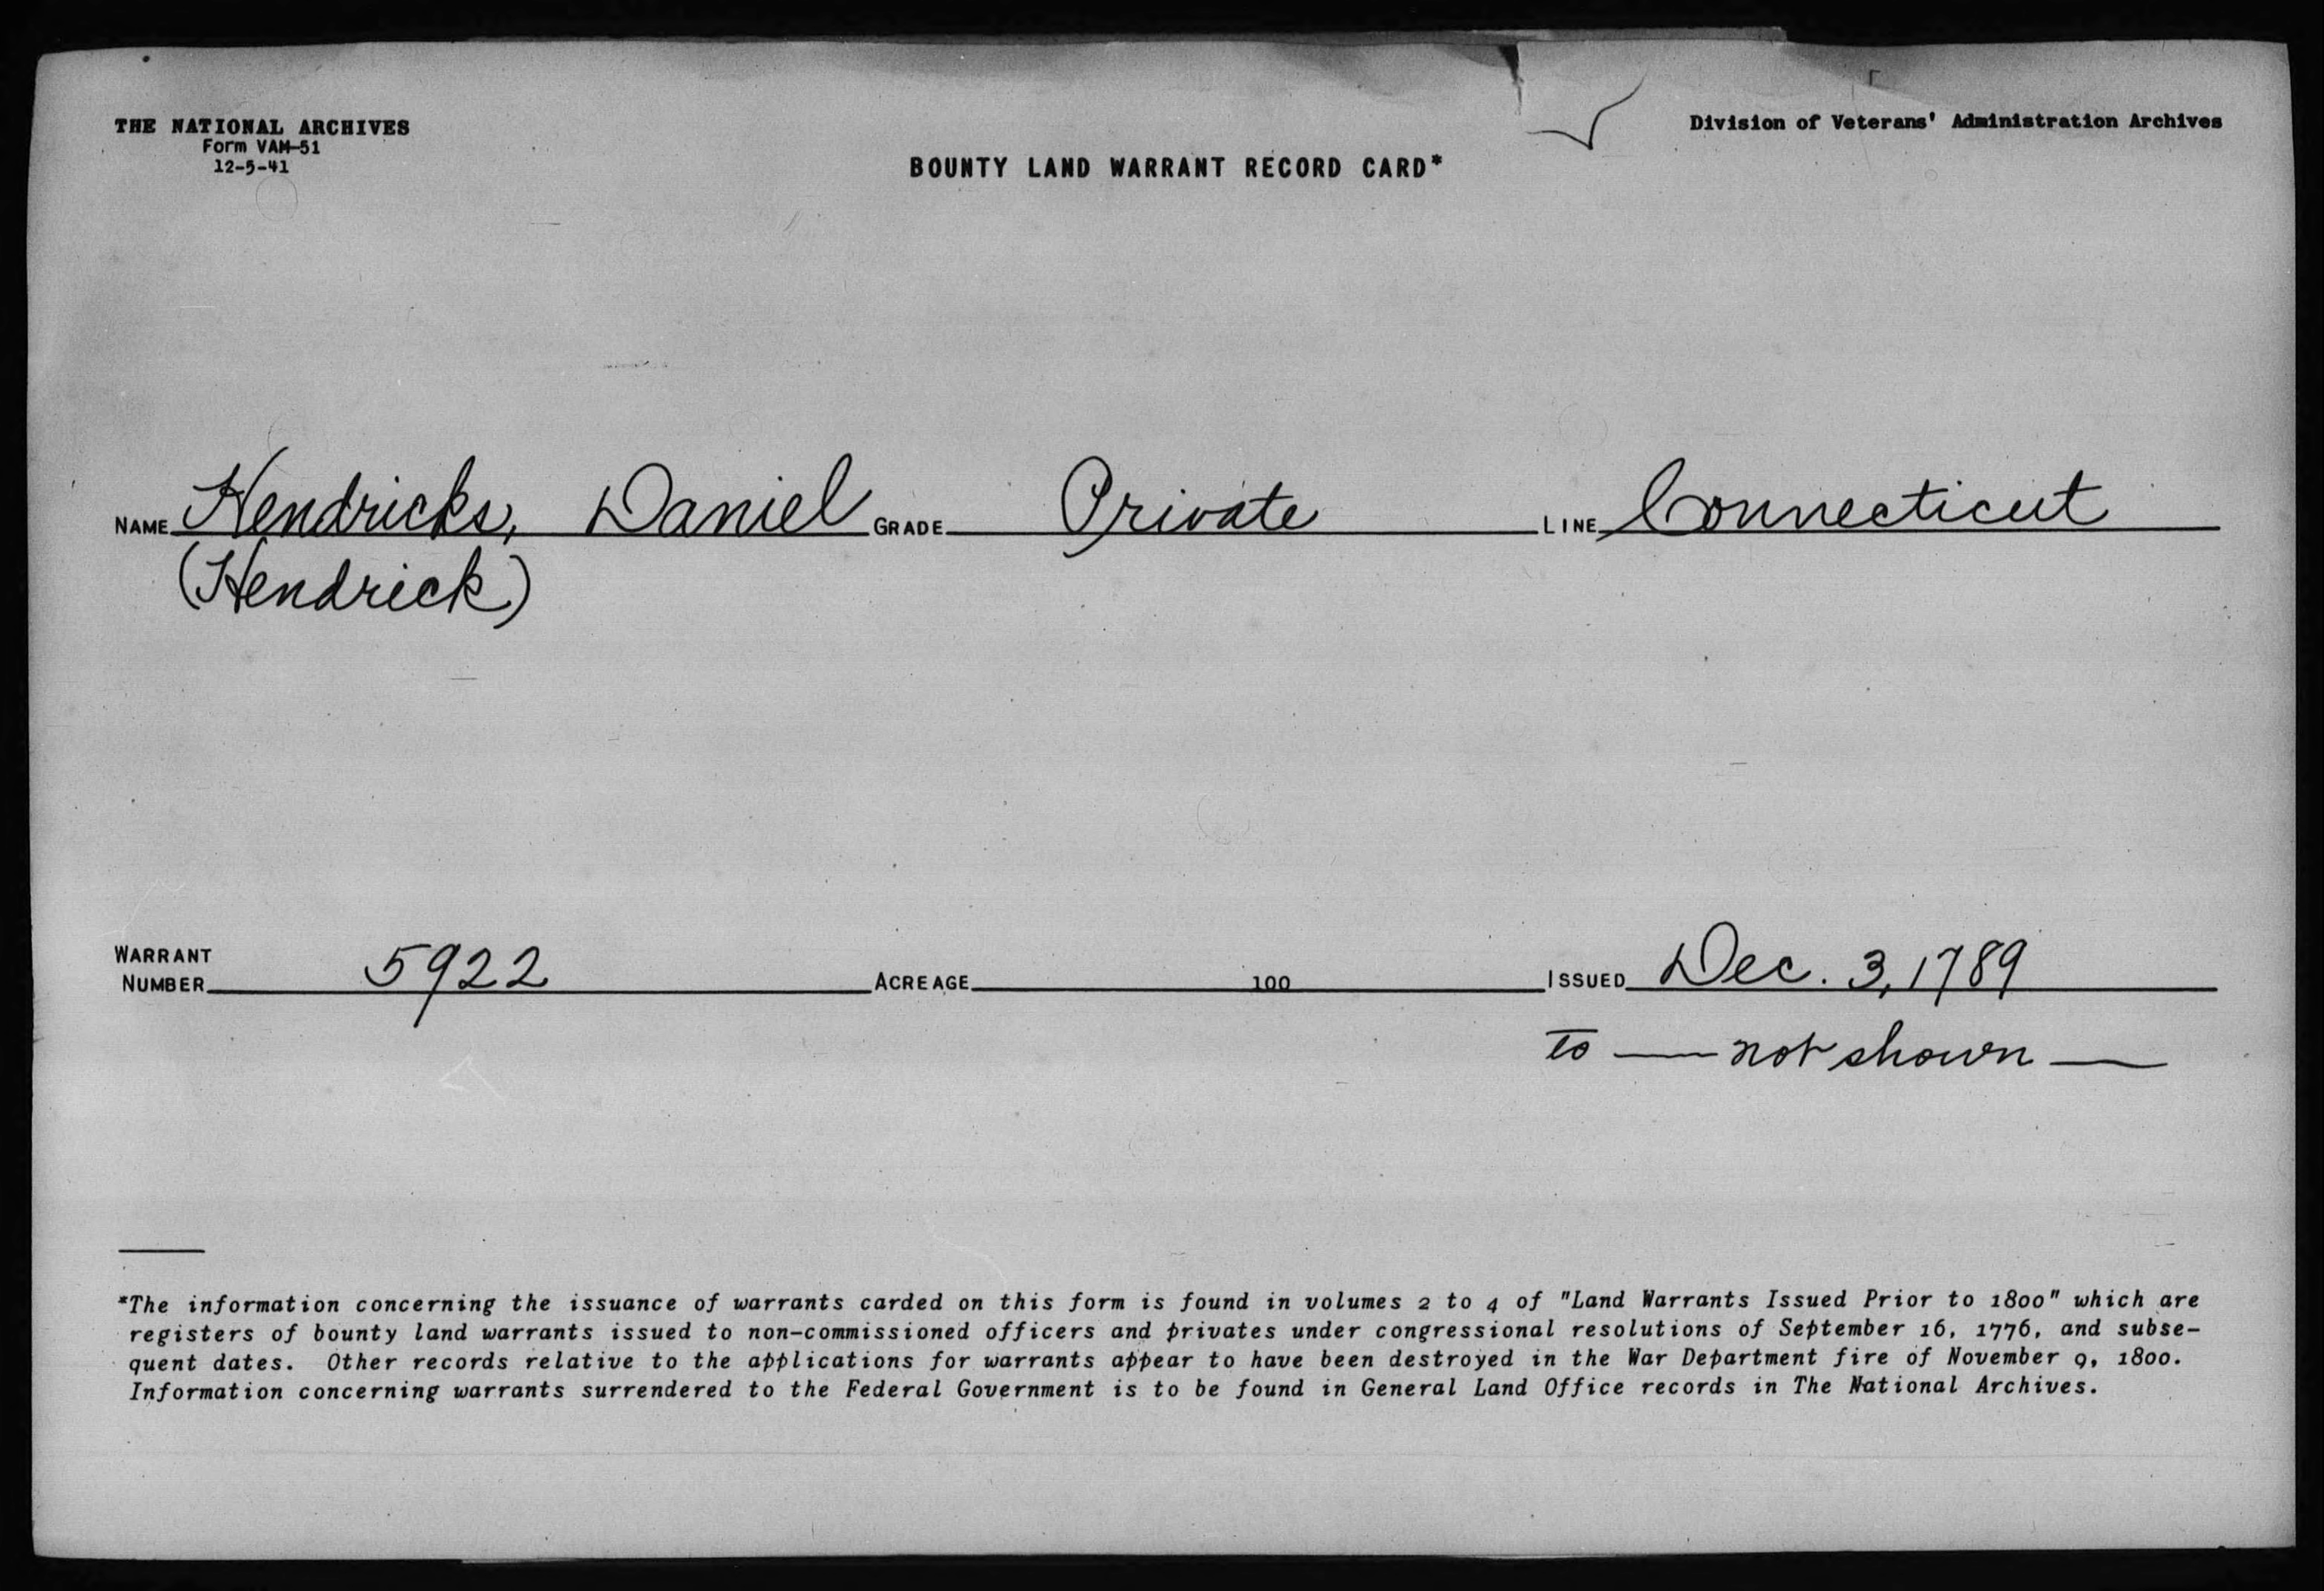The Nation Archives
Form VAM-51
12-5-41
Bounty Land Warrant Record Card
Division of Veterans' Administration Archives
Name Hendricks, Daniel Grade Private Line Connecticut (Hendrick)
Warrant Number 5922 Acreage 100 Issued Dec. 3, 1789 to - Not shown -

*The information concerning the issuance of warrants carded on this form is found in volumes 2 to 4 of "Land Warrants Issued Prior to 1800" which are registers of bounty land warrants issued to non-commissioned officers and privates under congressional resolutions of September 16, 1776, and subsequent dates. Other records relative to the applications for warrants appear to have been destroyed in the War Department fire of November 9, 1800. Information concerning warrants surrendered to the Federal Government is to be found in General Land Office records in the National Archives.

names: Daniel Hendricks, Hendrick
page: 76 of 76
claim: widow's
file: W. 83, Albert Hendricks, Continental Md. N.C.